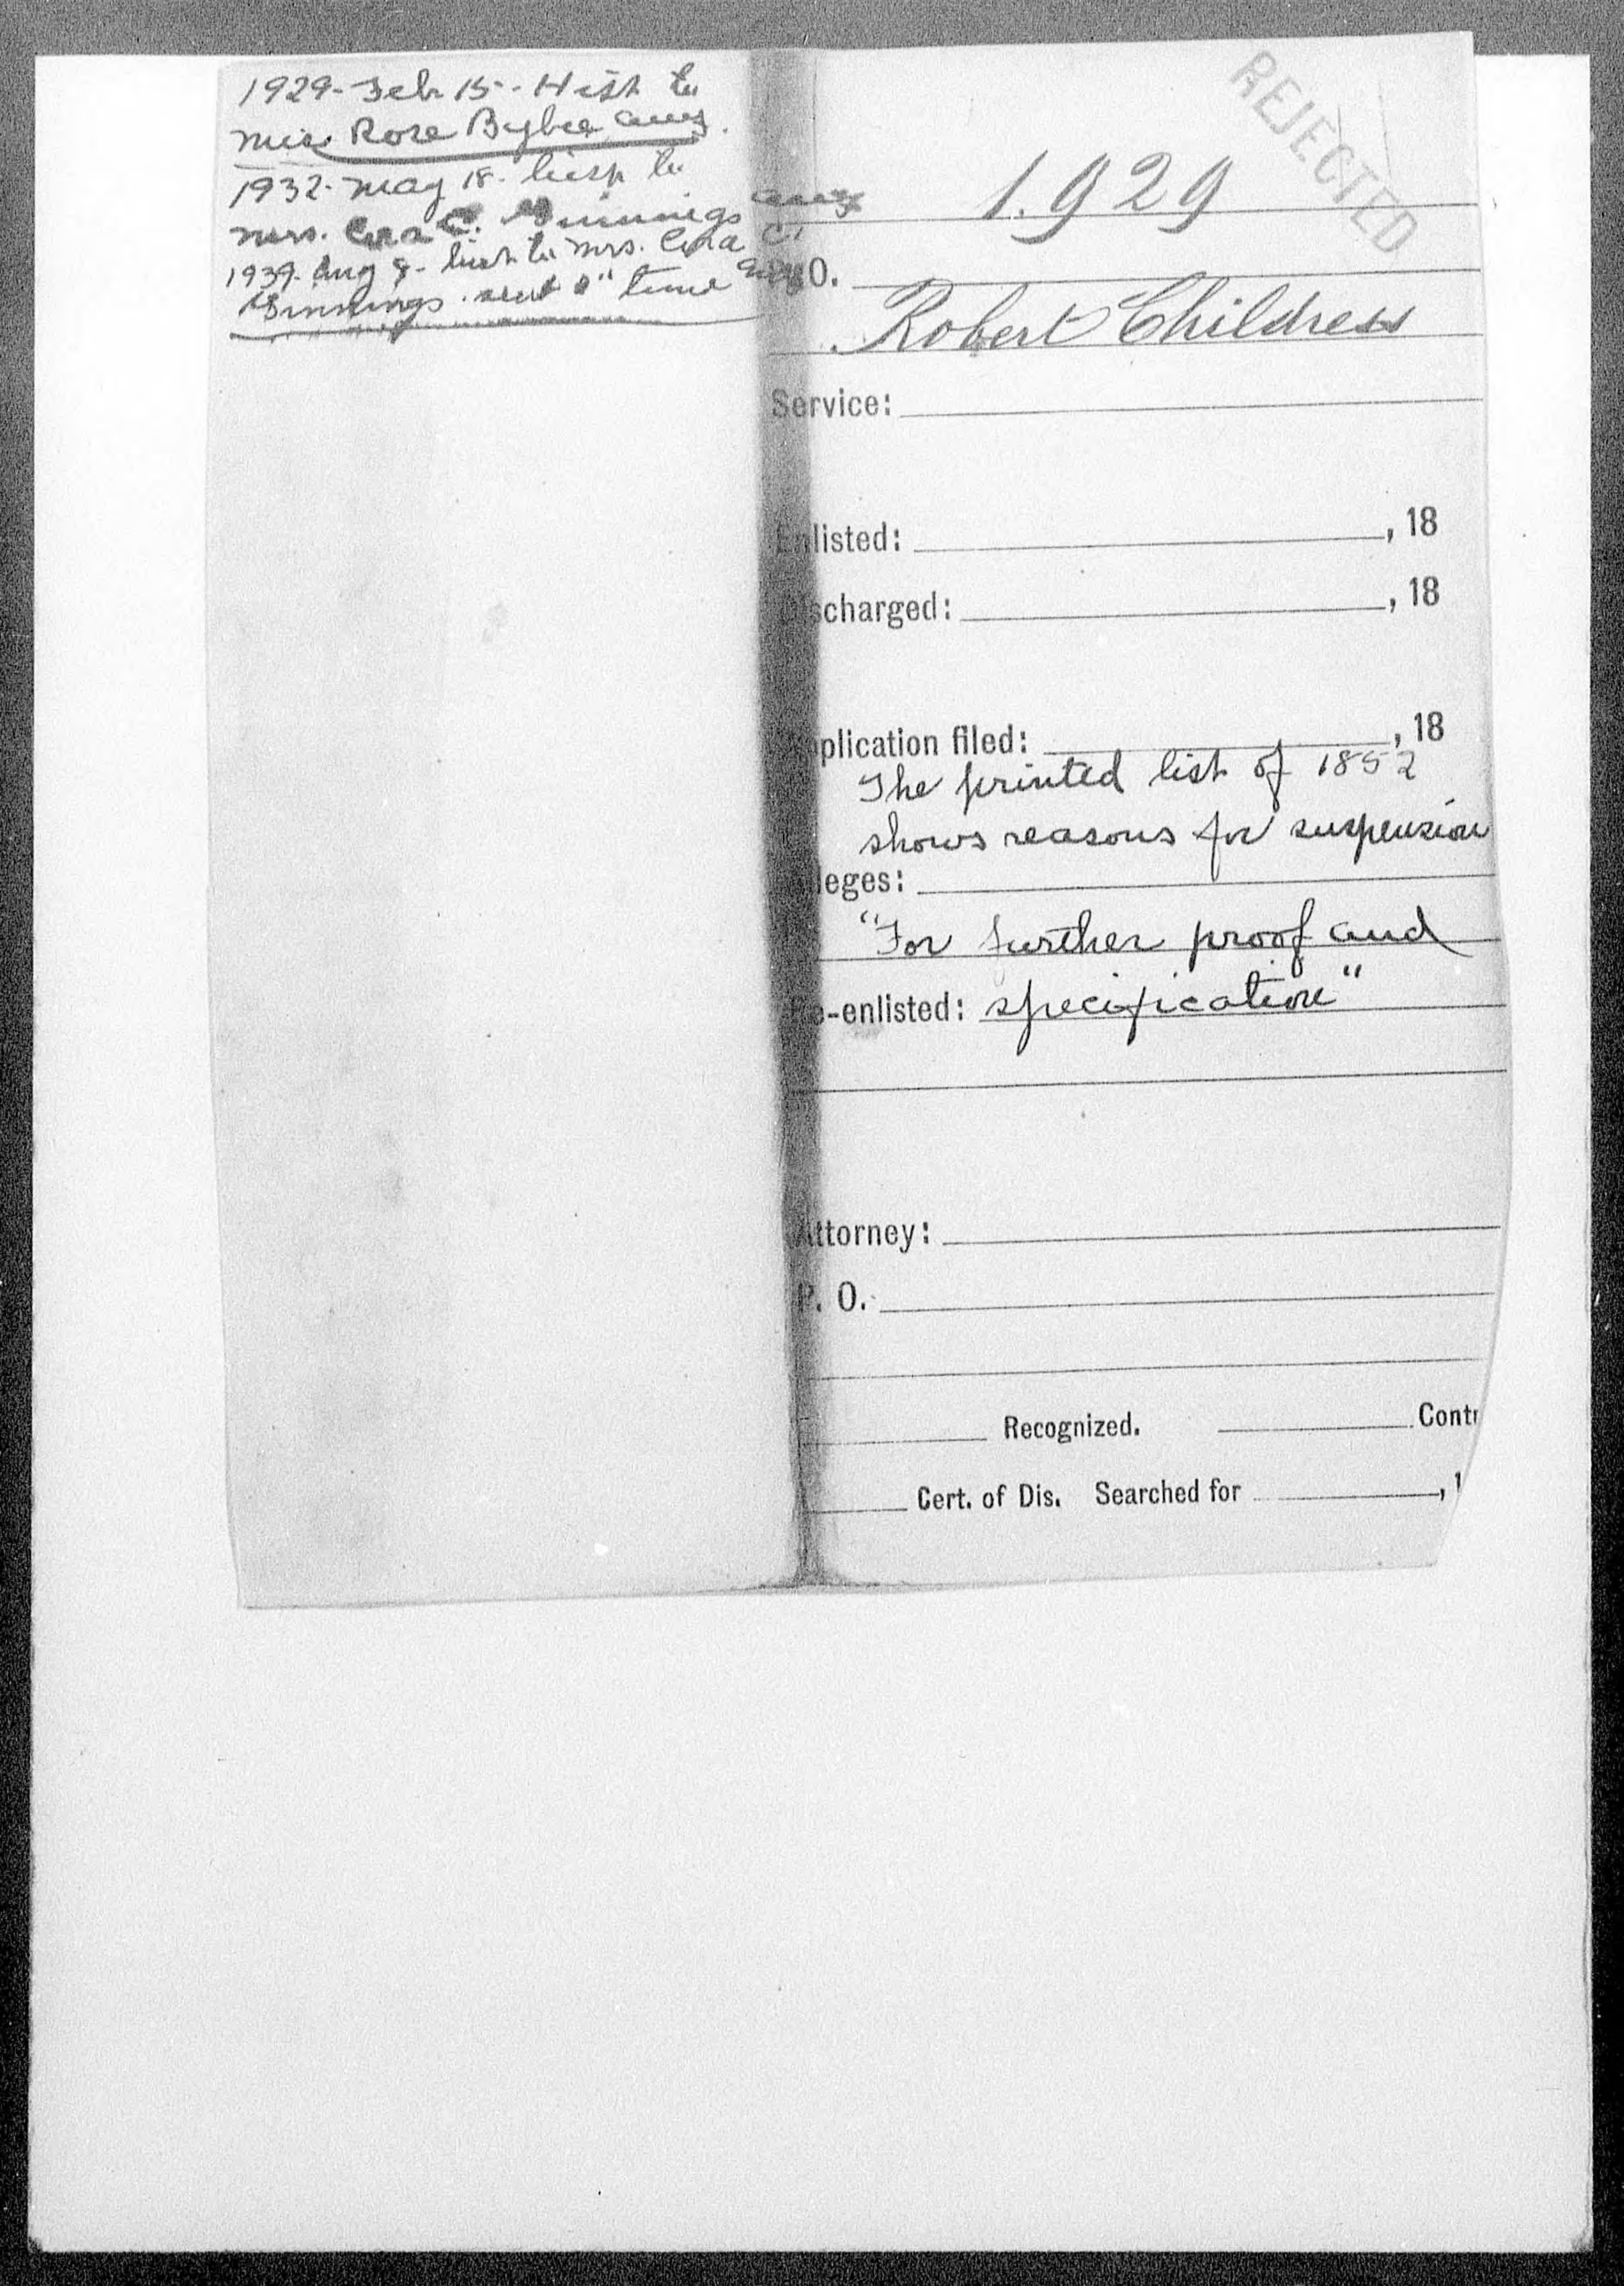1929, Oct 15 [illegible] to
Miss Rose Bybee [underlined]
1932 May 18 lies to
Mrs. [illegible and smudged]
1939 Aug 8- list to Mrs.[illegible]
1929
Rejected [stamped]
O. Robert Childress
Service:
listed:
Discharged:
Application filed:
The limited list of 1852 shows reasons for suspicion
Alleges: “for further proof and
Re-enlisted: specification”
Attorney:
P.O
Recognized.
Cert. of Dis. 
Searched for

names: Rose Bybee, Cora C Ginnings, Cora C Ginnings, Robert Childress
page: 25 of 25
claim: rejected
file: R. 1929, Robert Childress, Va